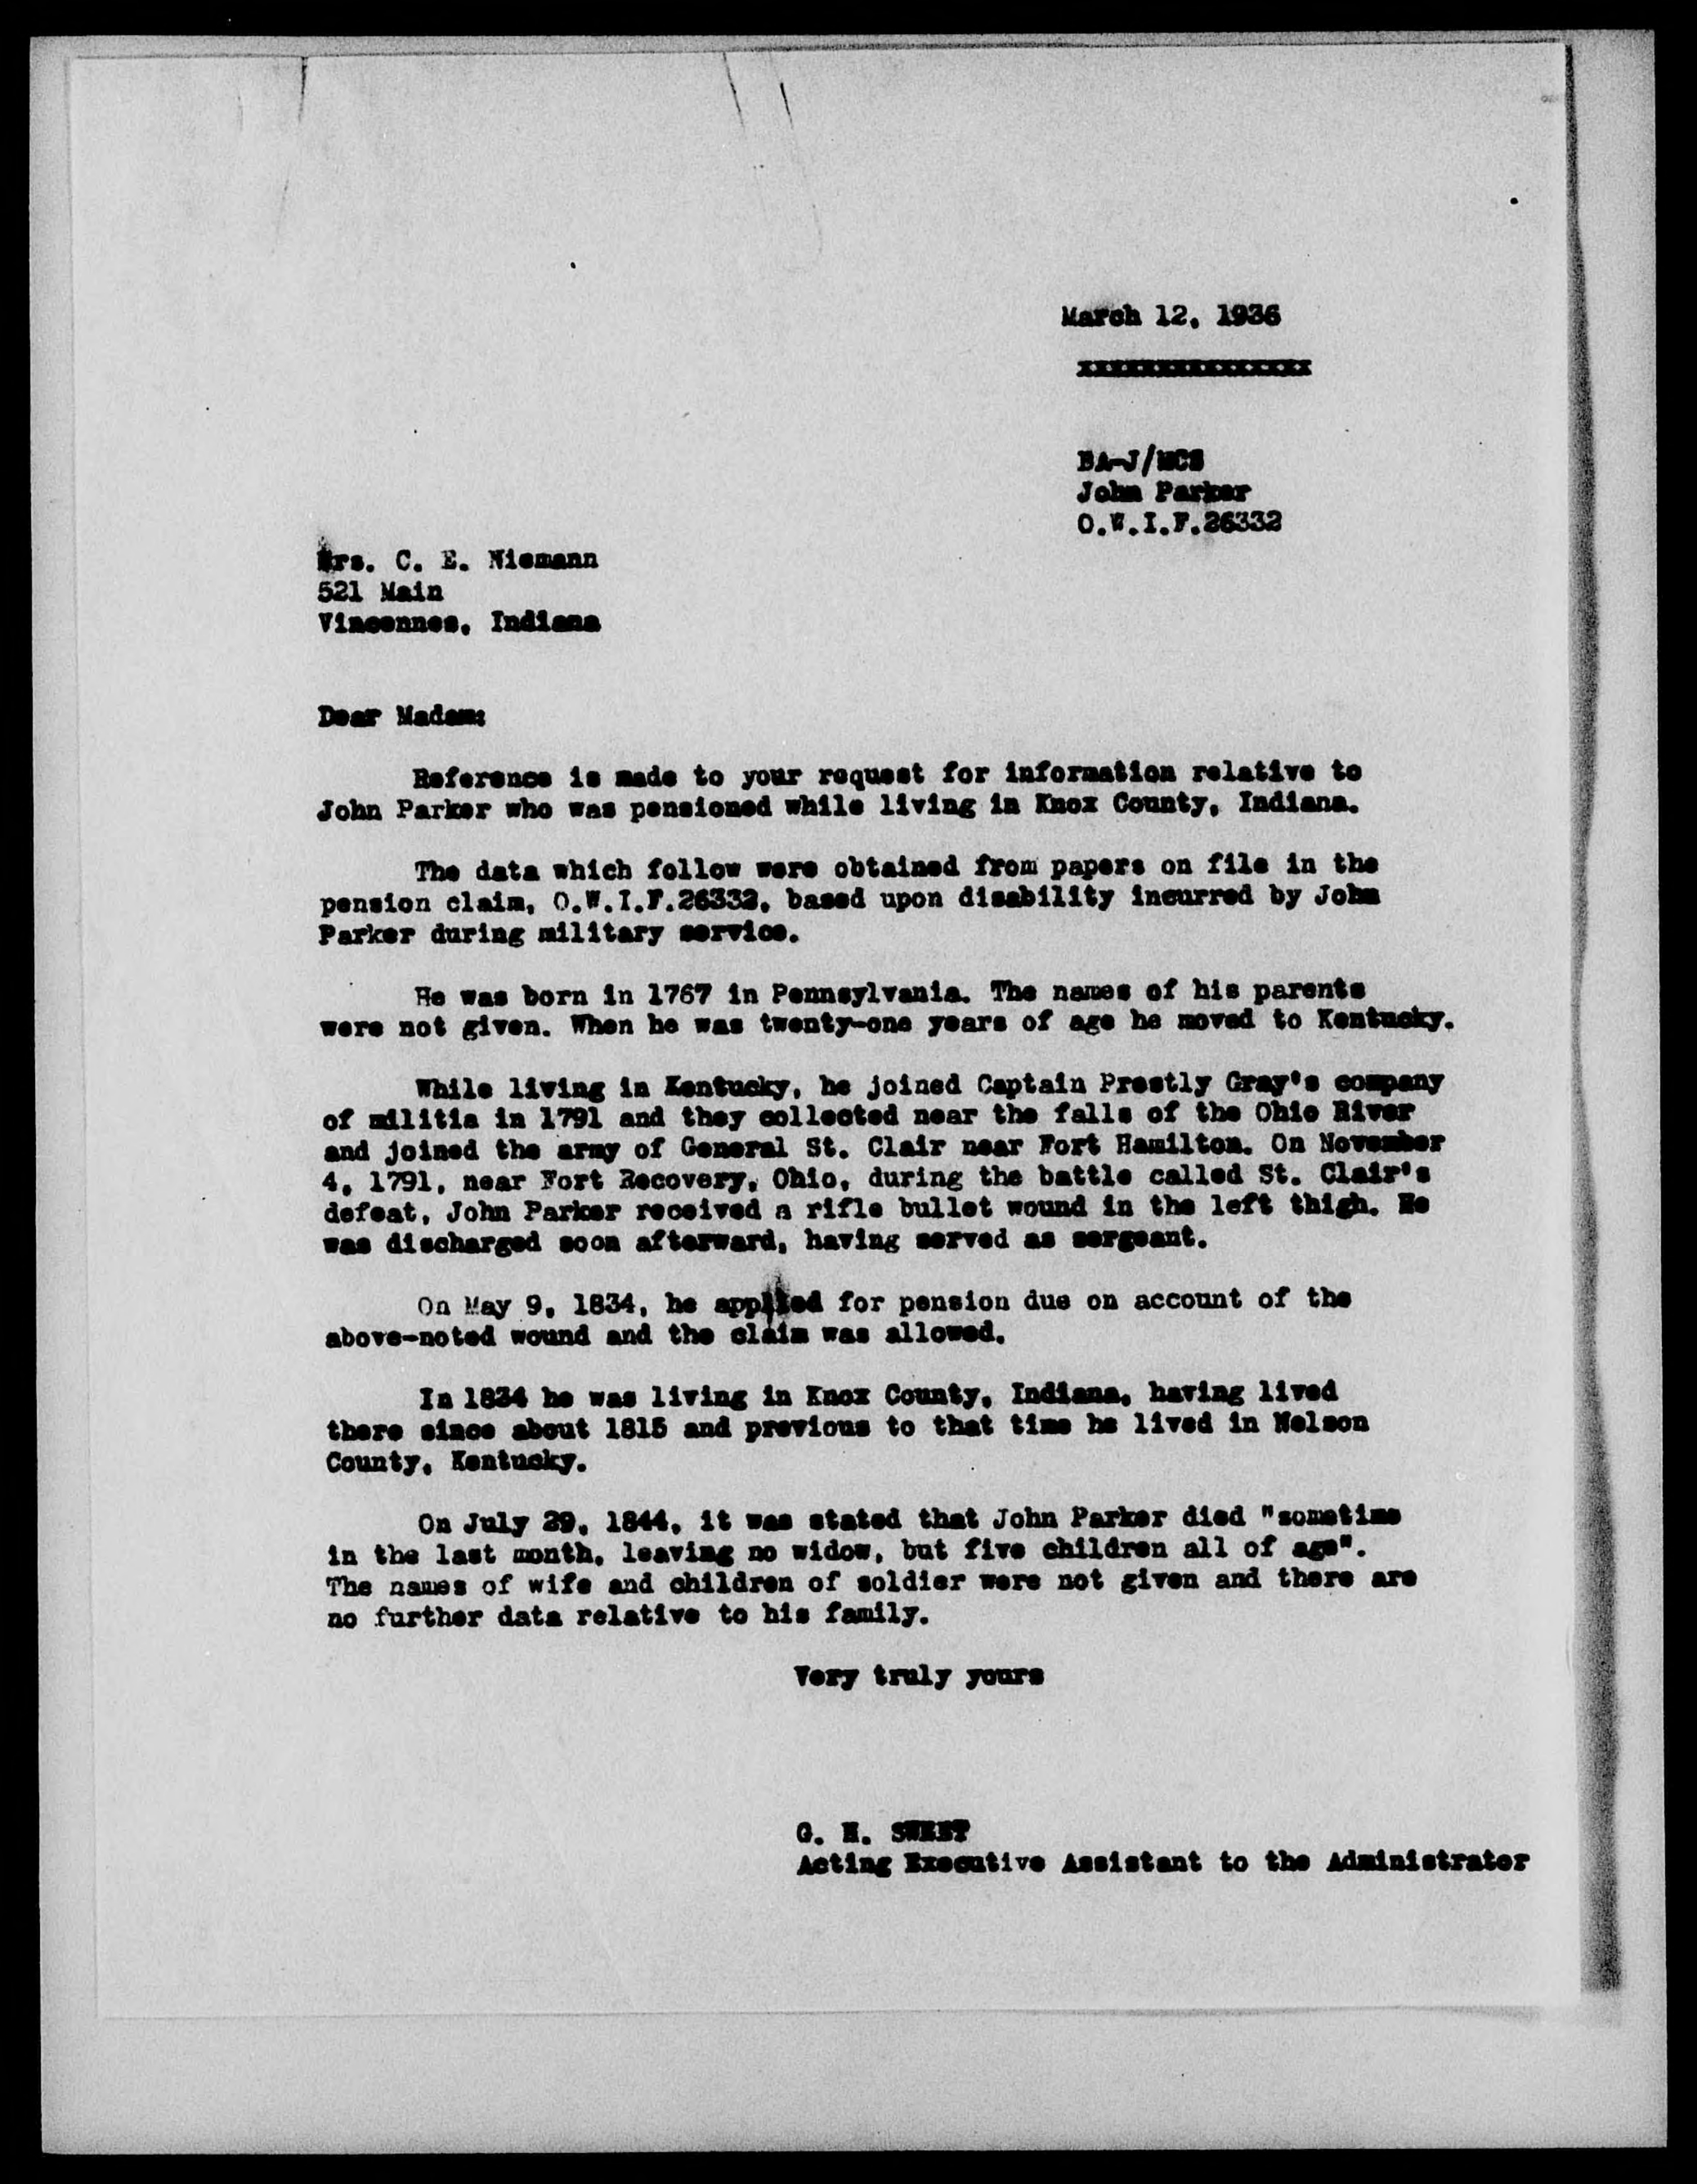March 12, 1936
xxxxxxxxxxxxxxx

BA-J/MCS
John Parker
O.W.I.F. 26332

Mrs. C. E. Niemann
521 Main
Vincennes, Indiana

Dear Madam:

Reference is made to your request for information relative to John Parker who was pensioned while living in Knox County, Indiana.

The data which follow were obtained from papers on file in the pension claim, O.W.I.F. 26332, based on disability incurred by John Parker during military service.

He was born in 1767 in Pennsylvania. The names of his parents were not given. When he was twenty-one years of age he moved to Kentucky.

While living in Kentucky, he joined Captain Prestly Gray's company of militia in 1791 and they collected near the falls of the Ohio River and joined the army of General St. Clair near Fort Hamilton. On November 4, 1791, near Fort Recovery, Ohio, during the battle called St. Clair's defeat, John Parker received a rifle bullet wound in the left thigh. He was discharged soon afterward, having served as sergeant.

On May 9, 1834, he applied for pension due on account of the above-noted wound and the claim was allowed.

In 1834 he was living in Knox County, Indiana, having lived there since about 1815 and previous to that time he lived in Nelson County, Kentucky.

On July 29, 1844, it was stated that John Parker died "sometime in the last month, leaving no widow, but five children all of age". The names of wife and children of soldier were not given and there are no further data relative to his family.

Very truly yours

G. H. SWEET
Acting Executive Assistant to the Administrator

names: [BLANK] St Clair; John Parker; C E Niemann; G H Sweet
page: 13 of 21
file: Old War Inv. File 26332, for John Parker, Other